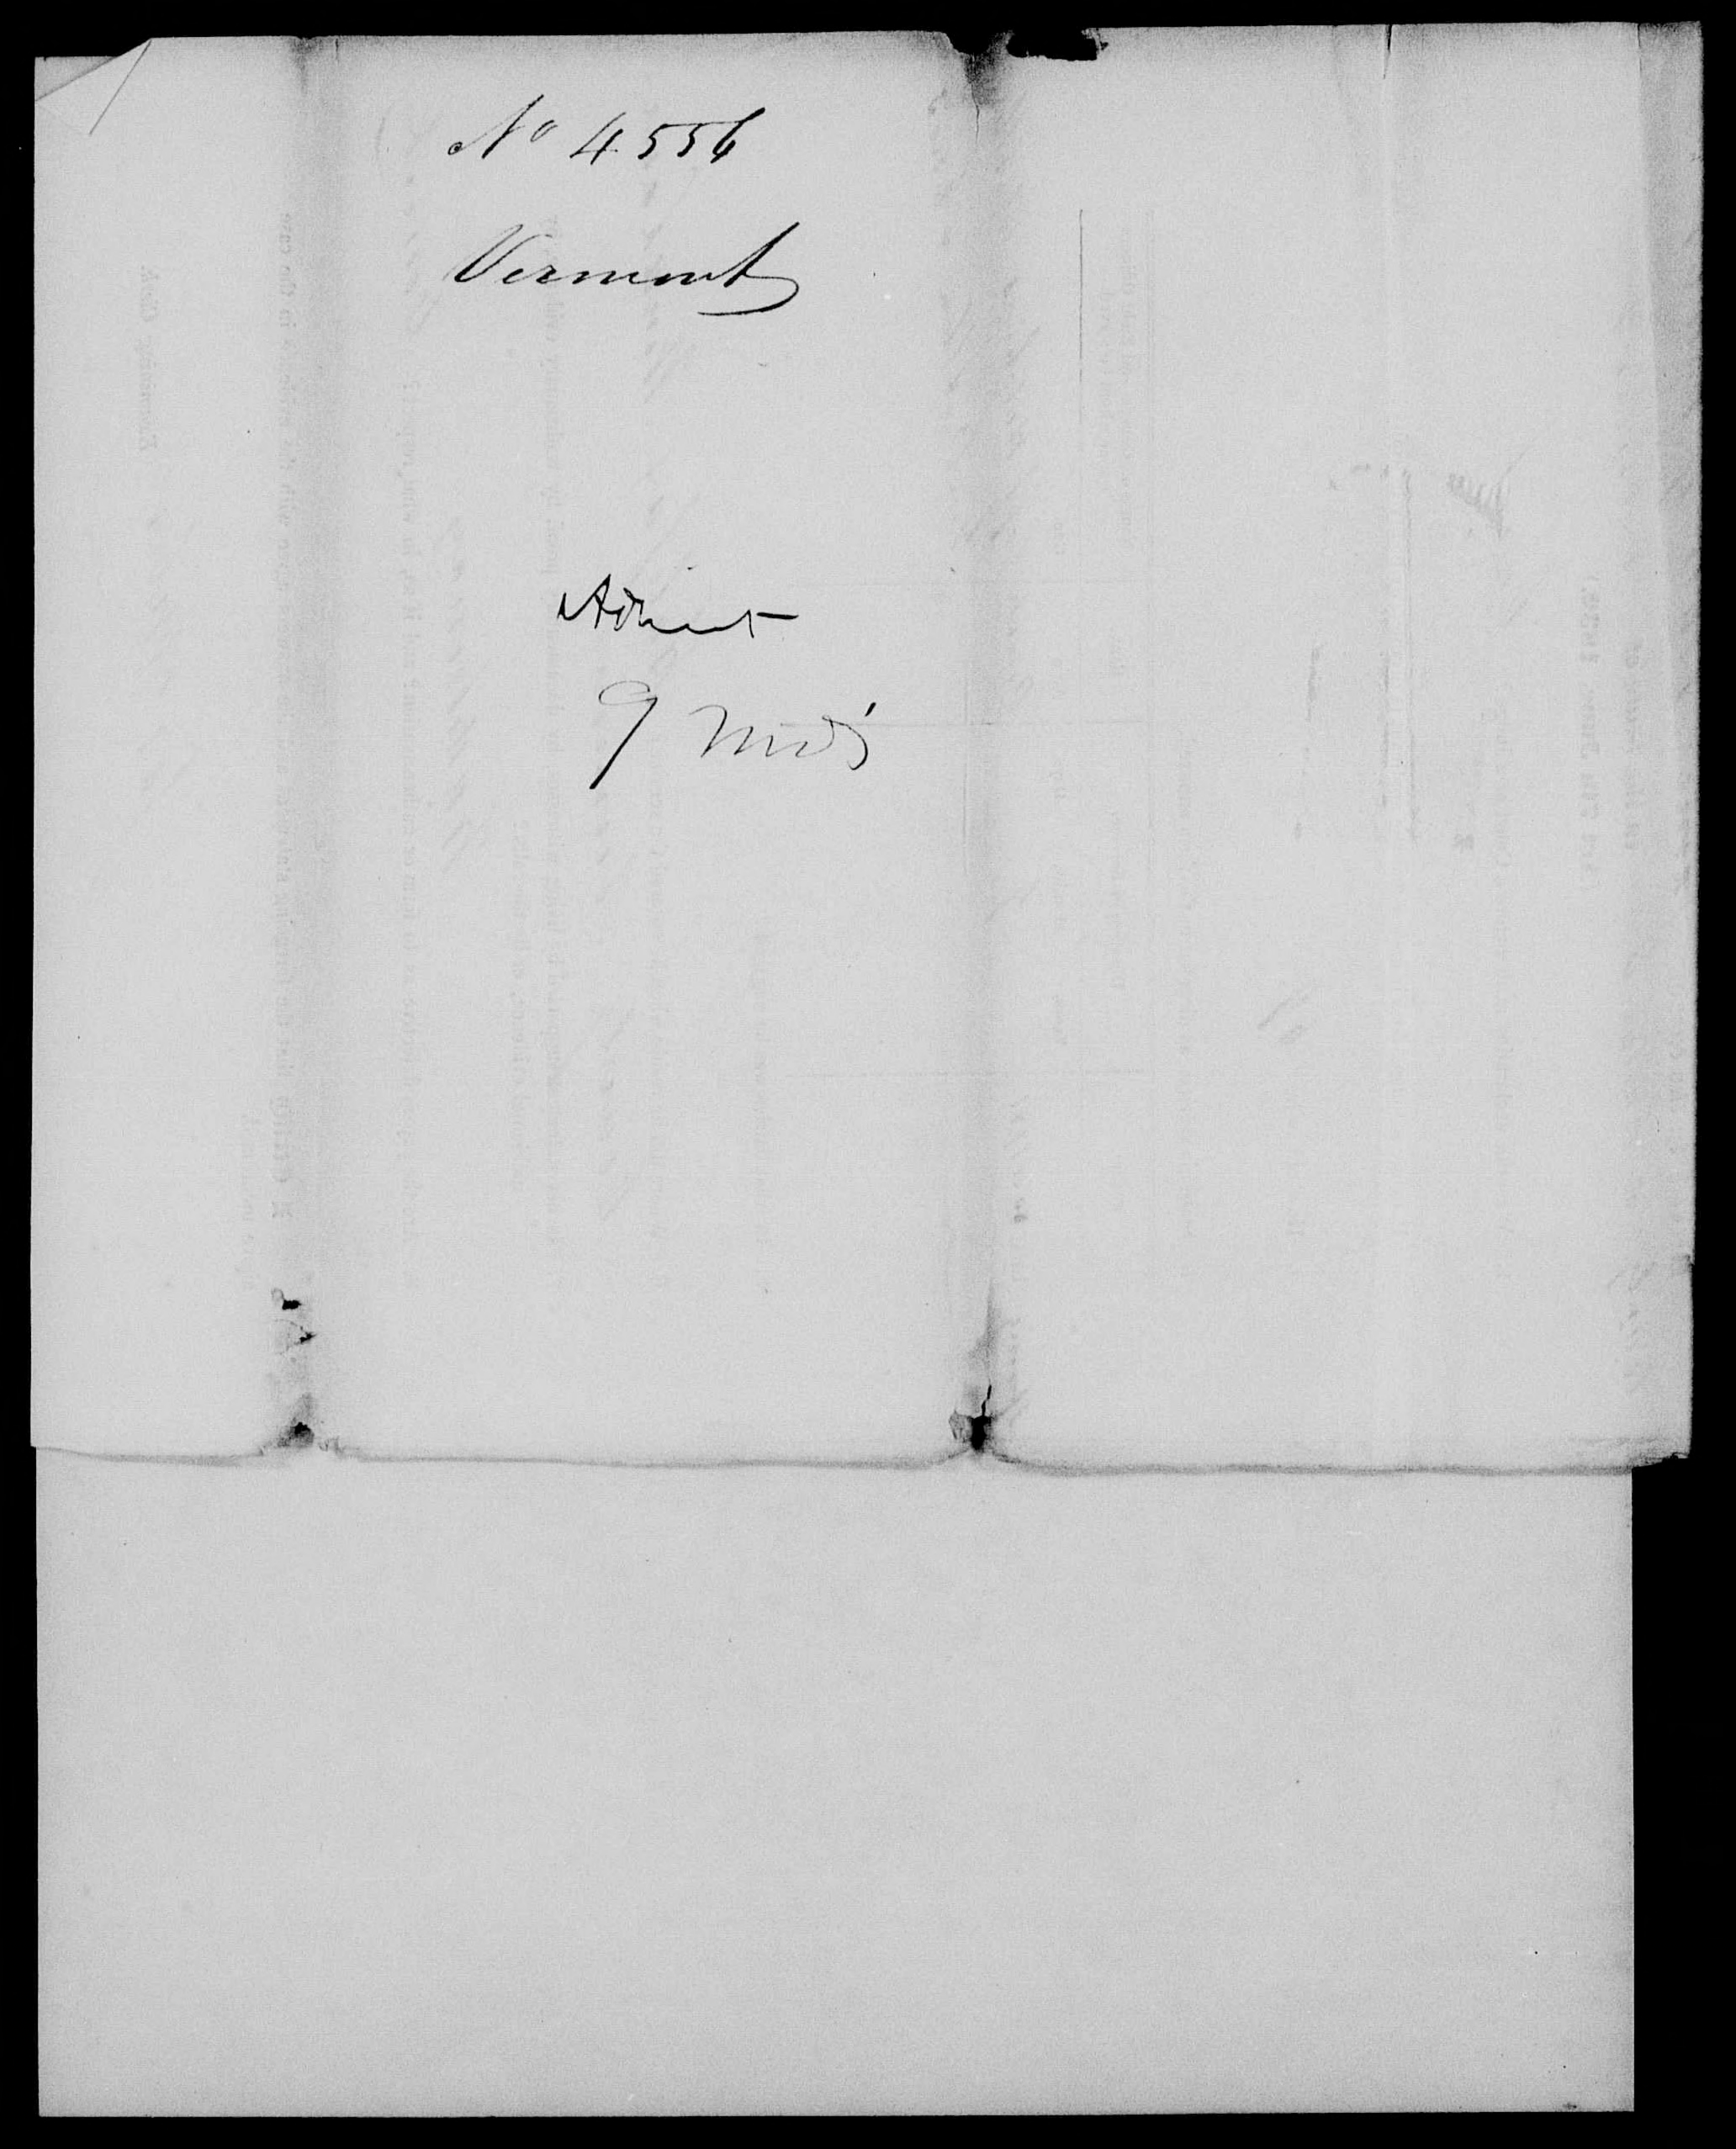No. 4556
Vermont

Admit
9 mos.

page: 10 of 29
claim: survivor's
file: S. 14,222, for James Pratt, Vermont